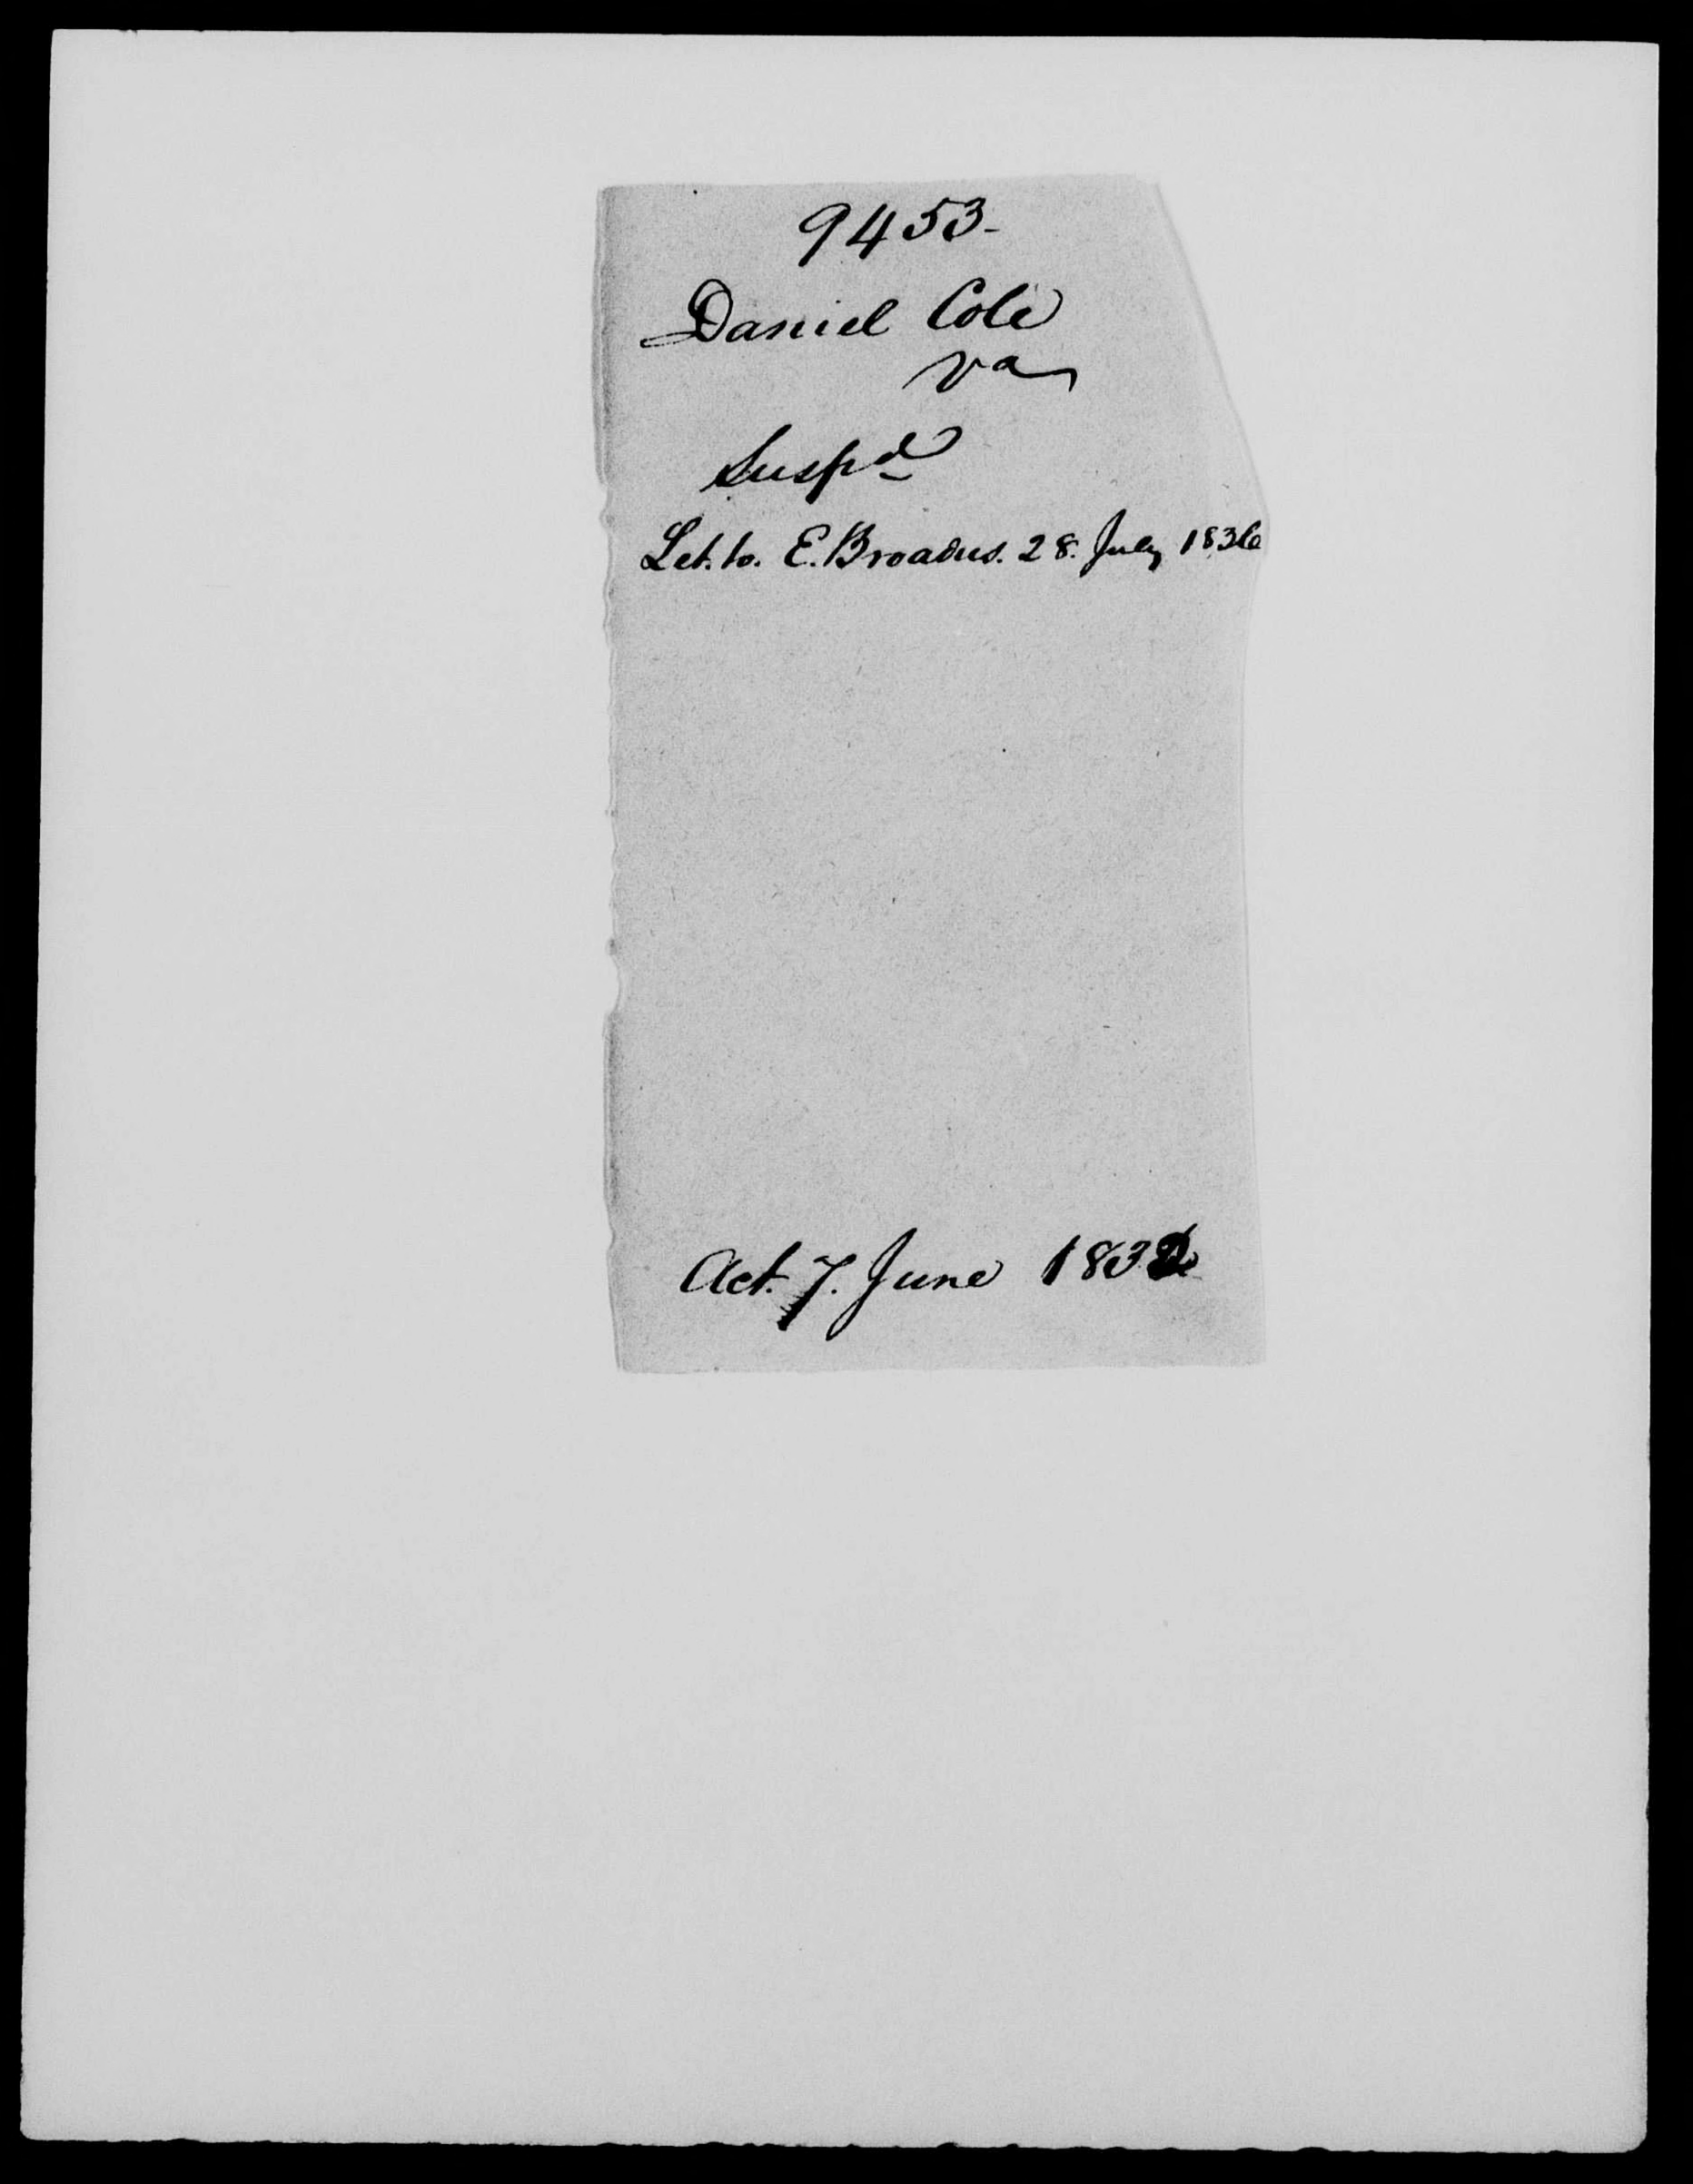9453

Daniel Cole 
Va

Suspd.

Let. lo E. Broadus 28 July 1836

Act 7 June 1832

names: E Broadus, Daniel Cole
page: 22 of 61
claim: survivor's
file: S. 8236, Daniel Cole, Va.